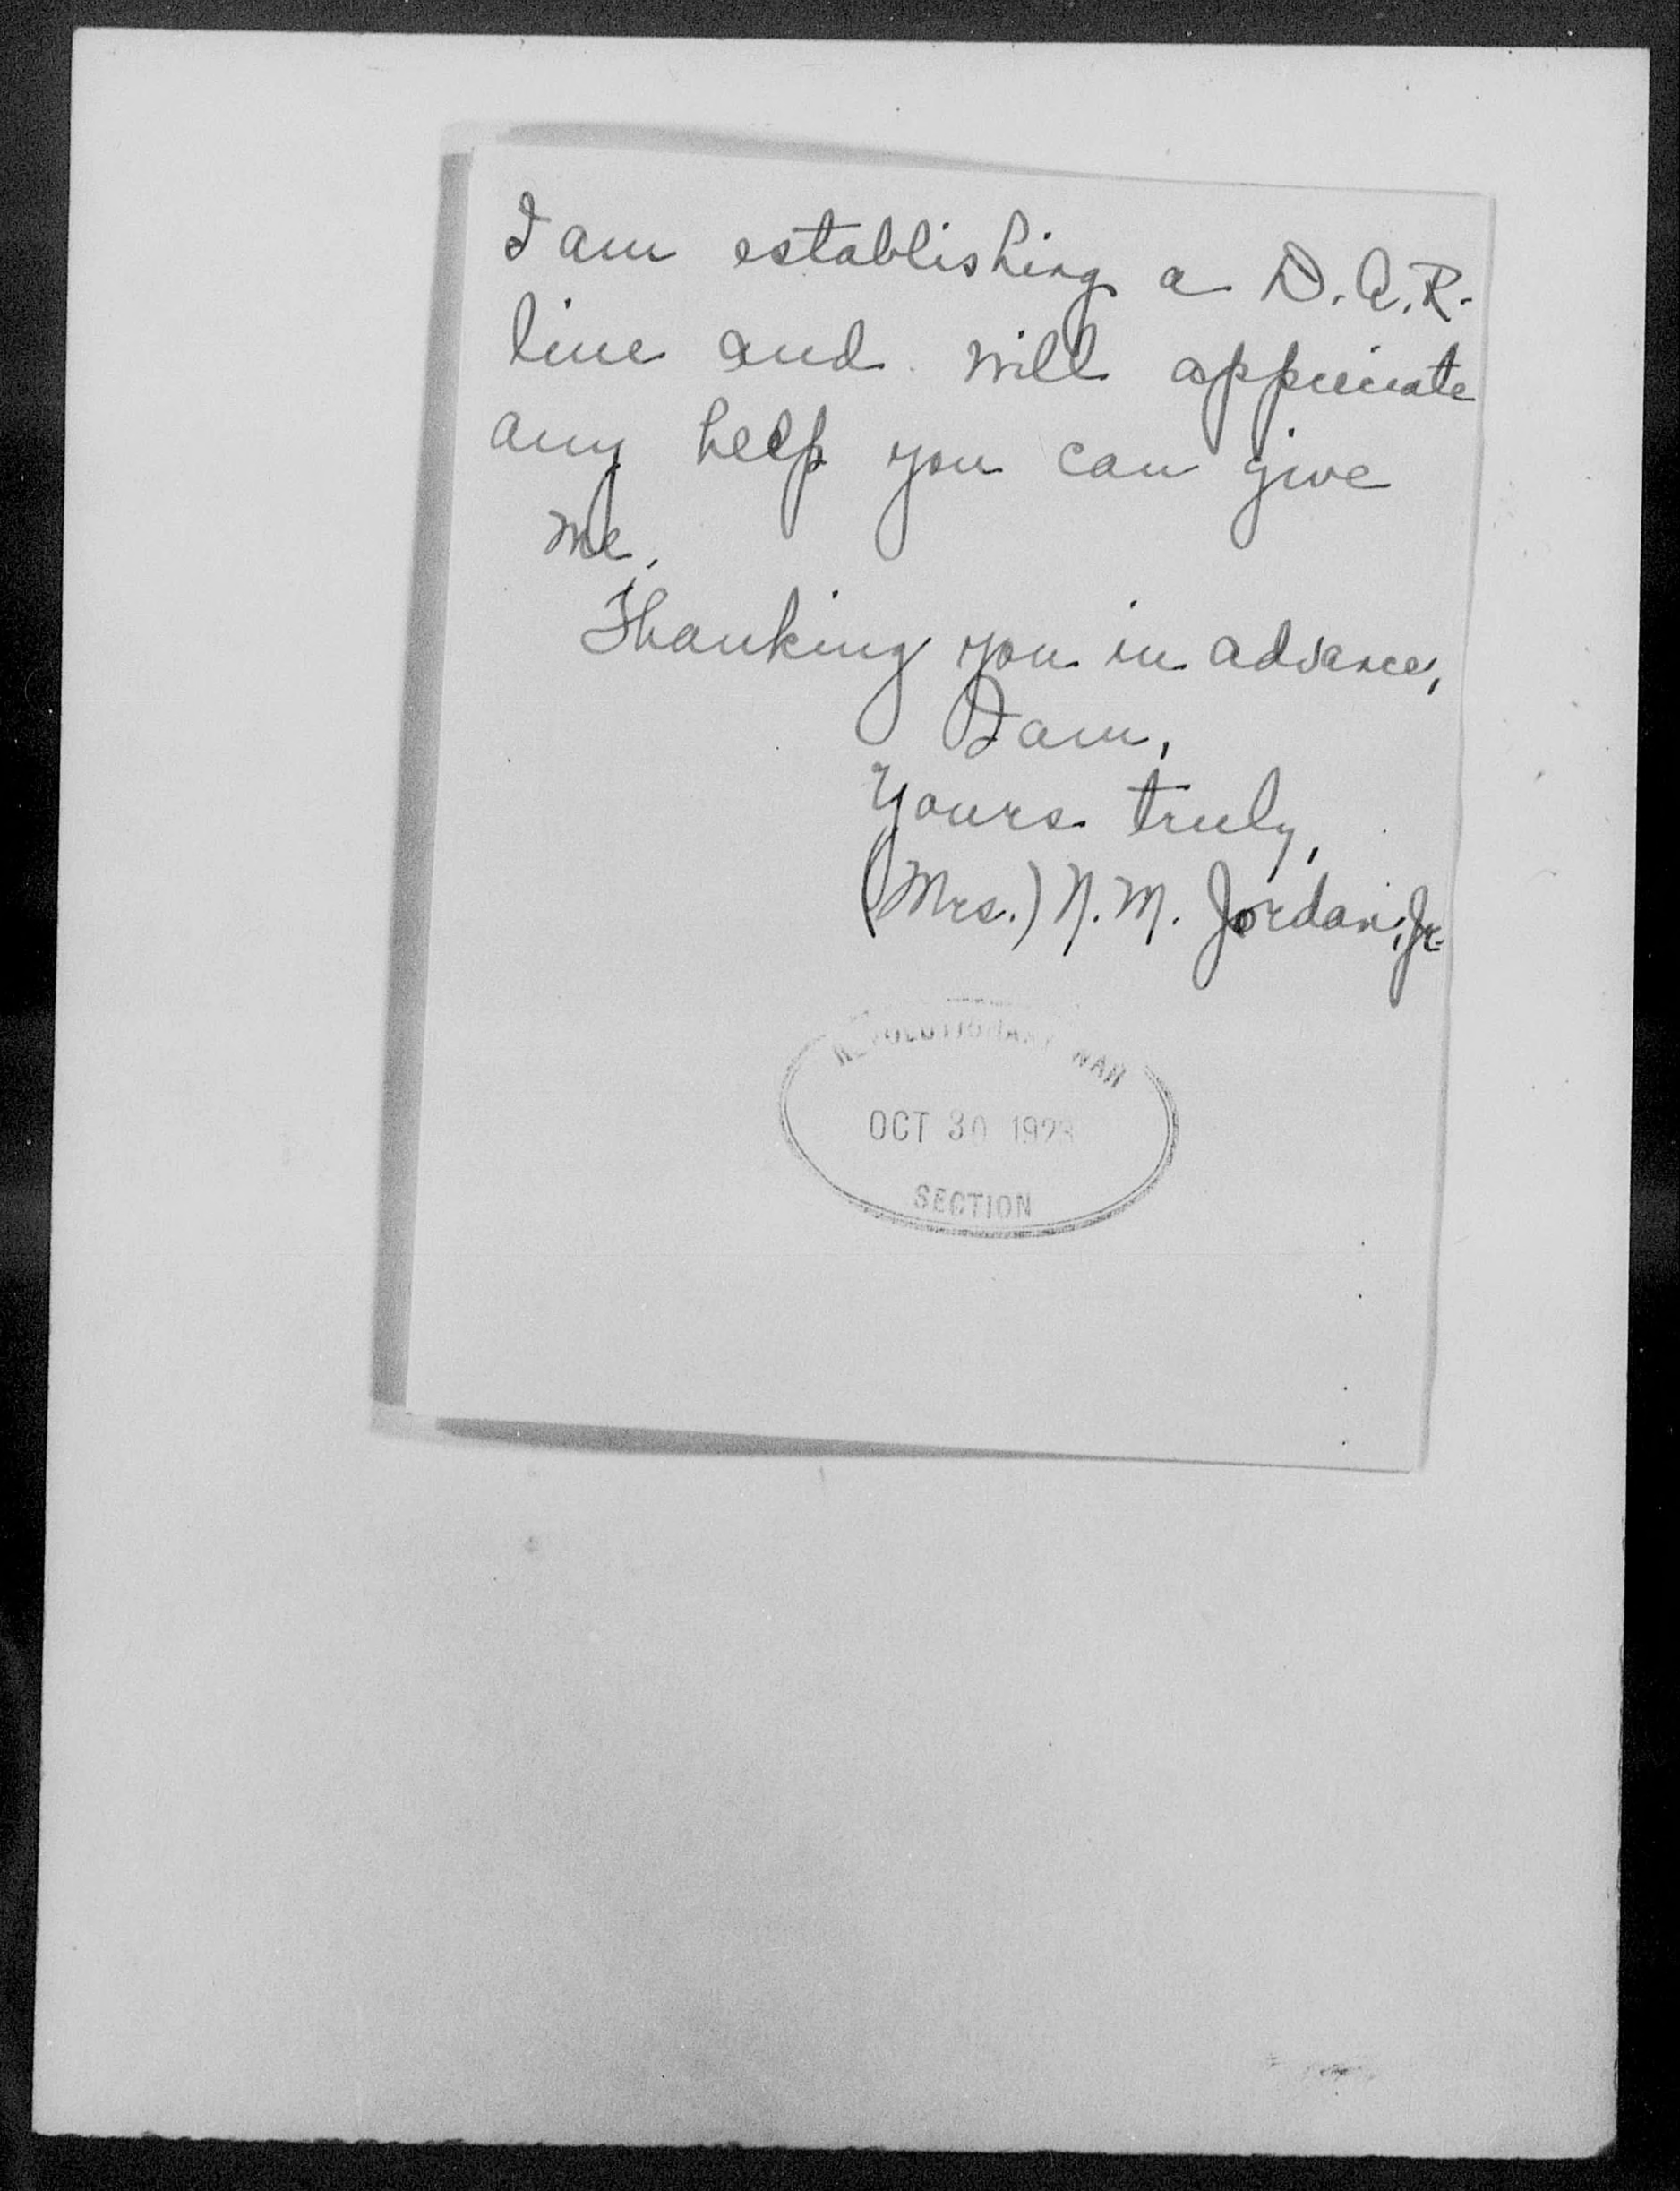I am establishing a D.A.R. line and will appreciate any help you can give me,
Thanking you in advance,
I am,
yours truly,
(Mrs.) N. M. Jordan; Jr.

[stamp]
REVOLUTIONARY WAR
OCT 30 1923
SECTION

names: N M Jordan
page: 153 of 267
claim: widow's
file: W. 4,149, William Campbell, Va.